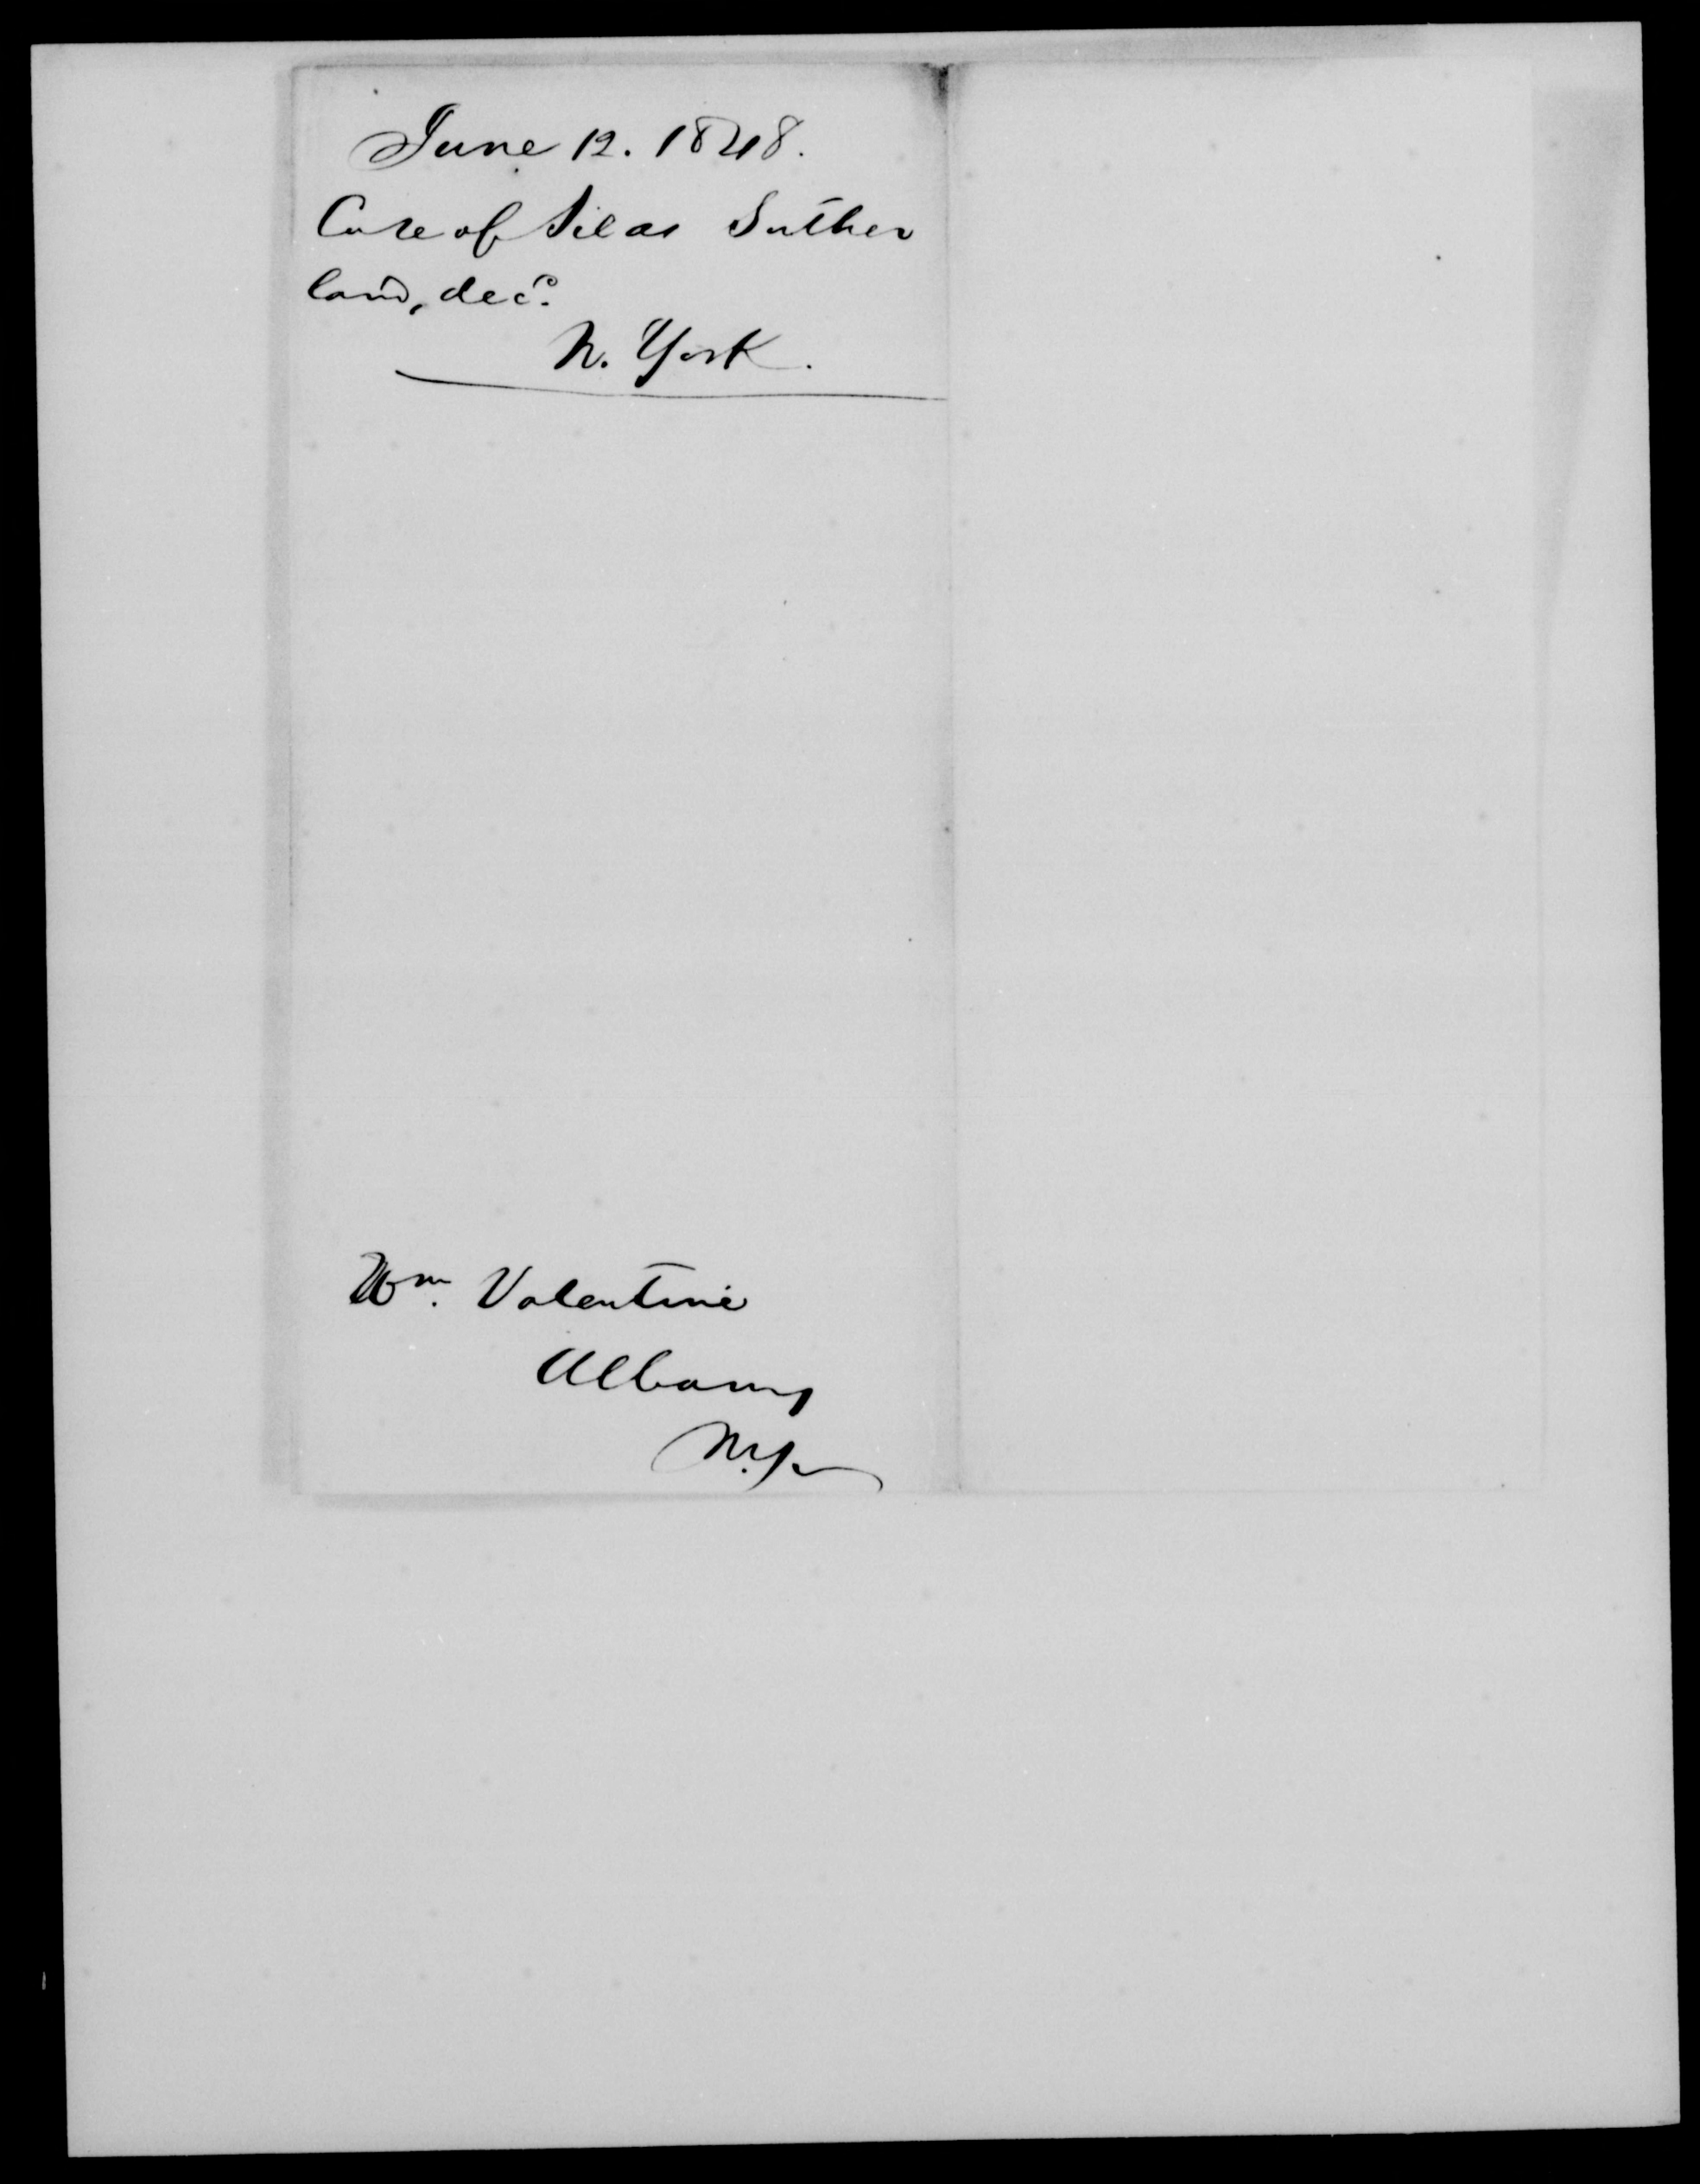June 12. 1848
Case of Silas Sutherland, decd.
N. York.

Wm. Valentine
Albany N.Y.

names: Silas Sutherland; Wm Valentine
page: 46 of 77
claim: survivor's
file: S. 23003, for Silas Southerland, New York